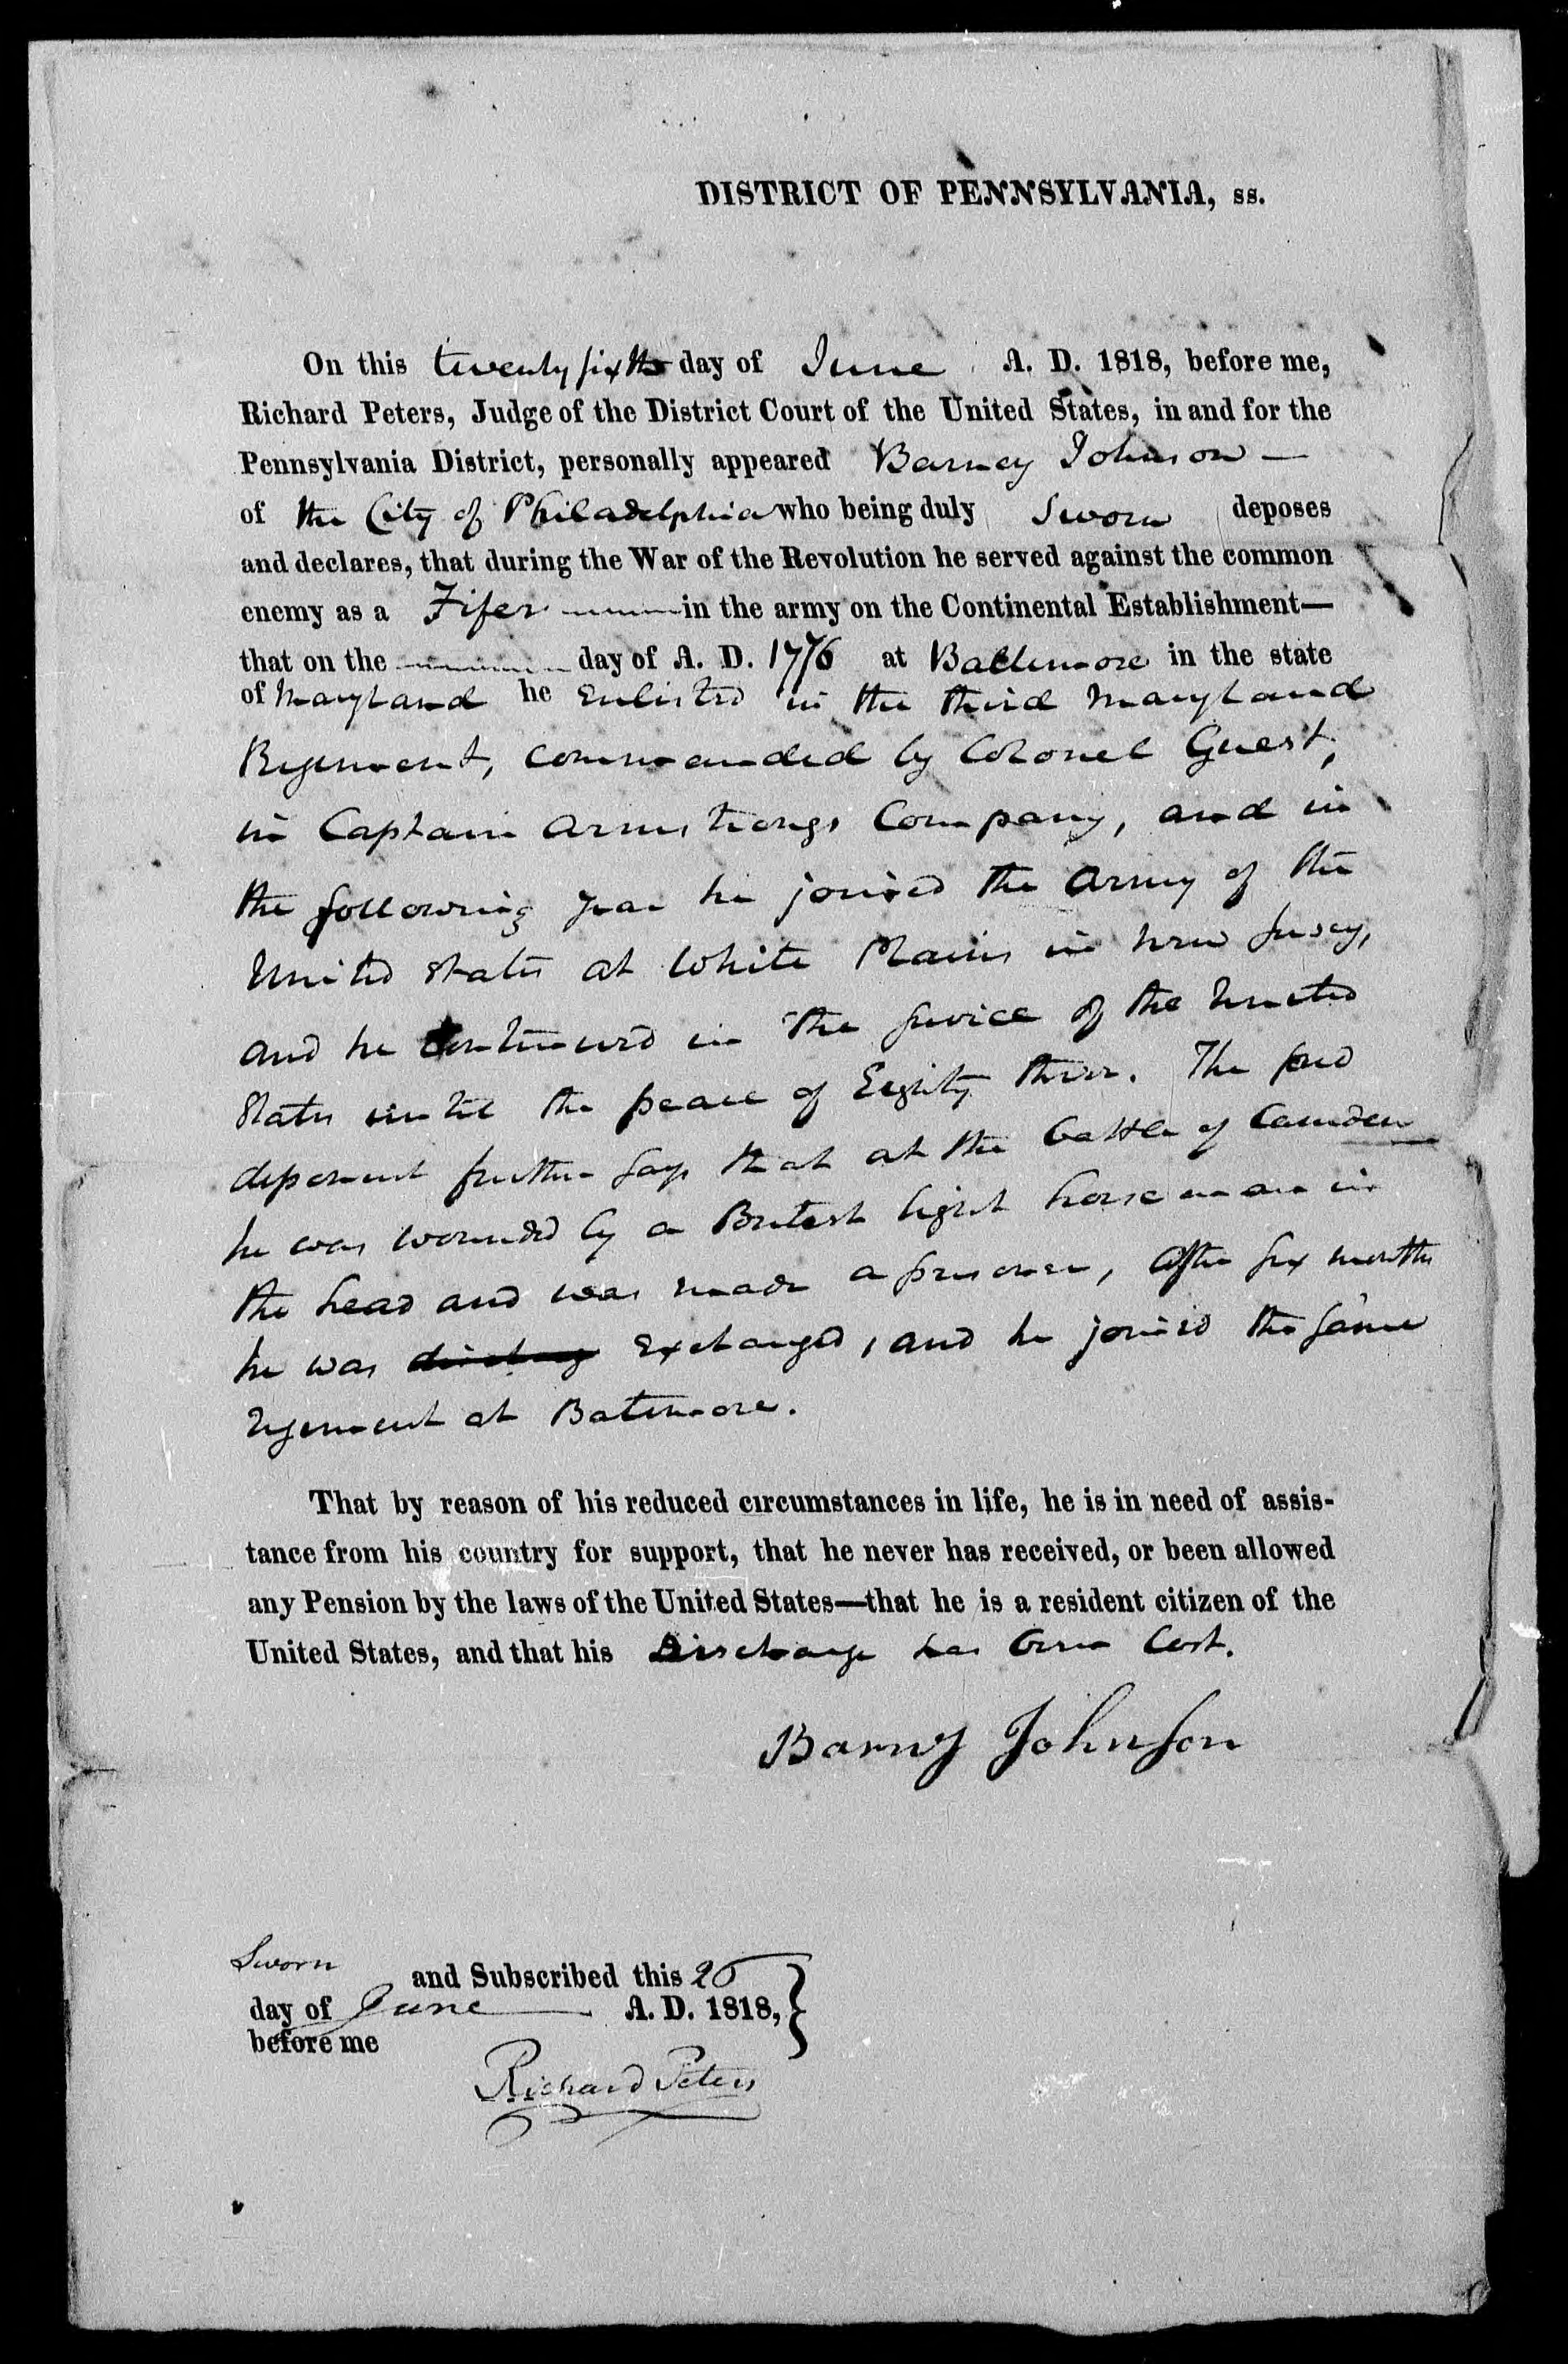District of Pennsylvania

On this twenty sixth day of June AD 1818 before me Richard Peters, Judge of the District Court of the United States in and for the Pennsylvania District personally appeared Barney Johnson of the city of Philadelphia who being duly sworn deposes and declares that during the war of the revolution he served against the common enemy as a Fifer in the army on the continental establishment that on the blank day of AD 1776 at Baltimore in the state of Maryland he enlisted in the third Maryland regiment commanded by Colonel Guest his Captain Armstrong, company and in the following year he joined the army of the United States at White Marsh in New Jersey and he entered in the service of the United States until the peace of Eighty-three. The said deponent further says that at the battle of Camden he was wounded by a British Light Horseman in the head and was made a prisoner after six months he was exchanged and he joined the same regiment at Baltimore.

That by reason of his reduced circumstances in life, he is in need of assistance from his county for support, that he never has received or been allowed any pension by the laws of the Unites States - that he is a resident citizen of the United States and that his discharge has been lost.

Barney Johnson

Sworn and subscribed this 25 day of June AD 1818 before me

Richard Peters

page: 5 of 11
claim: survivor's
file: S. 39,783, for Barny Johnson, Maryland